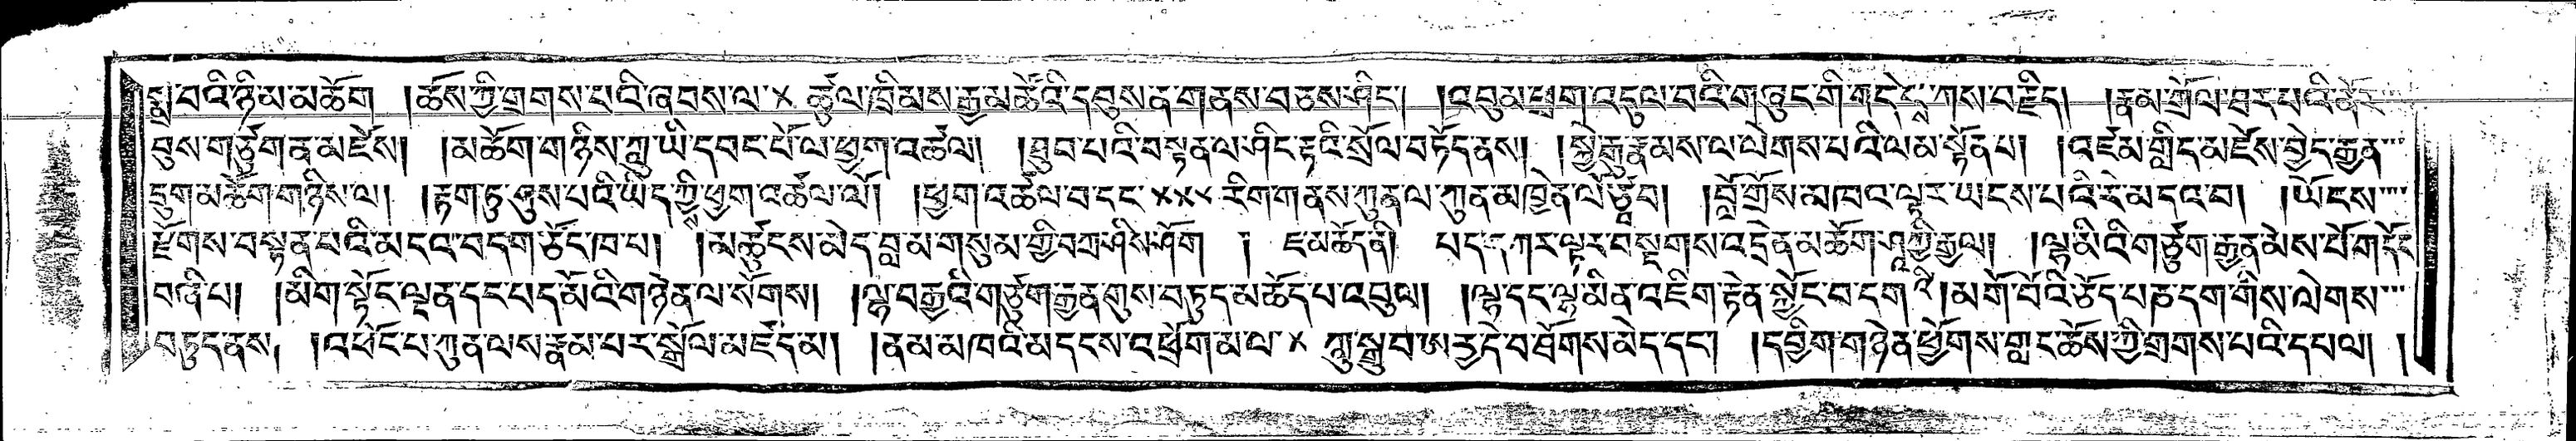སྨྲ་བའི་ཉི་མ་མཆོག །ཆོས་ཀྱི་གྲགས་པའི་ཞབས་ལ་{྾}་ཚུལ་ཁྲིམས་རྒྱ་མཚོའི་དབུས་ན་གནས་བཅས་ཤིང་། །འབུམ་ཕྲག་འདུལ་བའི་གཞུང་གི་གདེངས་ཀས་བརྗིད། །རྣམ་གྲོལ་ཐར་པའི་ནོར་
བུས་གཙུག་ན་མཛེས། །མཆོག་གཉིས་ཀླུ་ཡི་དབང་པོ་ལ་ཕྱག་འཚལ། །ཐུབ་པའི་བསྟན་ལ་ཤིང་རྟའི་སྲོལ་བཏོད་ནས། །སྐྱེ་རྒུ་རྣམས་ལ་ལེགས་པའི་ལམ་སྟོན་པ། །འཛམ་གླིང་མཛེས་བྱེད་རྒྱན་
དྲུག་མཆོག་གཉིས་ལ། །རྟག་ཏུ་གུས་པའི་ཡིད་ཀྱིས་ཕྱག་འཚལ་ལོ། །ཕྱག་འཚལ་བ་དང་{྾}་{྾}་{྾}་རིག་གནས་ཀུན་ལ་ཀུན་མཁྱེན་ལོ་ཙཱ་བ། །བློ་གྲོས་མཁའ་ལྟར་ཡངས་པའི་རེ་མདའ་བ། །ཡོངས་
རྫོགས་བསྟན་པའི་མངའ་བདག་ཙོང་ཁ་པ། །མཚུངས་མེད་བླ་མ་གསུམ་གྱི་བཀྲ་ཤིས་ཤོག ༑ཇ་མཆོད་ནི། པད་དཀར་ལྟར་བསྔགས་འདྲེན་མཆོག་ཤཱཀྱི་རྒྱལ། །ལྷ་མིའི་གཙུག་རྒྱན་མེས་པོ་གདོང་
བཞི་པ། །མིག་སྟོང་ལྡན་དང་པད་མོའི་གཉེན་ལ་སོགས། །ལྷ་བརྒྱའི་གཙུག་རྒྱན་གུས་བཏུད་མཆོད་པ་འབུལ། །ལྷ་དང་ལྷ་མིན་འཇིག་རྟེན་སྐྱོང་བ་དག །མགོ་བོའི་ཅོད་པཎ་དག་གིས་ལེགས་
བཏུད་ནས། །འཕོང་པ་ཀུན་ལས་རྣམ་པར་སྒྲོལ་མཛད་མ། །ནམ་མཁའི་མདངས་འཕྲོག་མ་ལ་{྾}་ཀླུ་སྒྲུབ་ཨརྱ་དེ་བ་ཐོགས་མེད་དང་། །དབྱིག་གཉེན་ཕྱོགས་གླང་ཆོས་ཀྱི་གྲགས་པའི་དཔལ། །